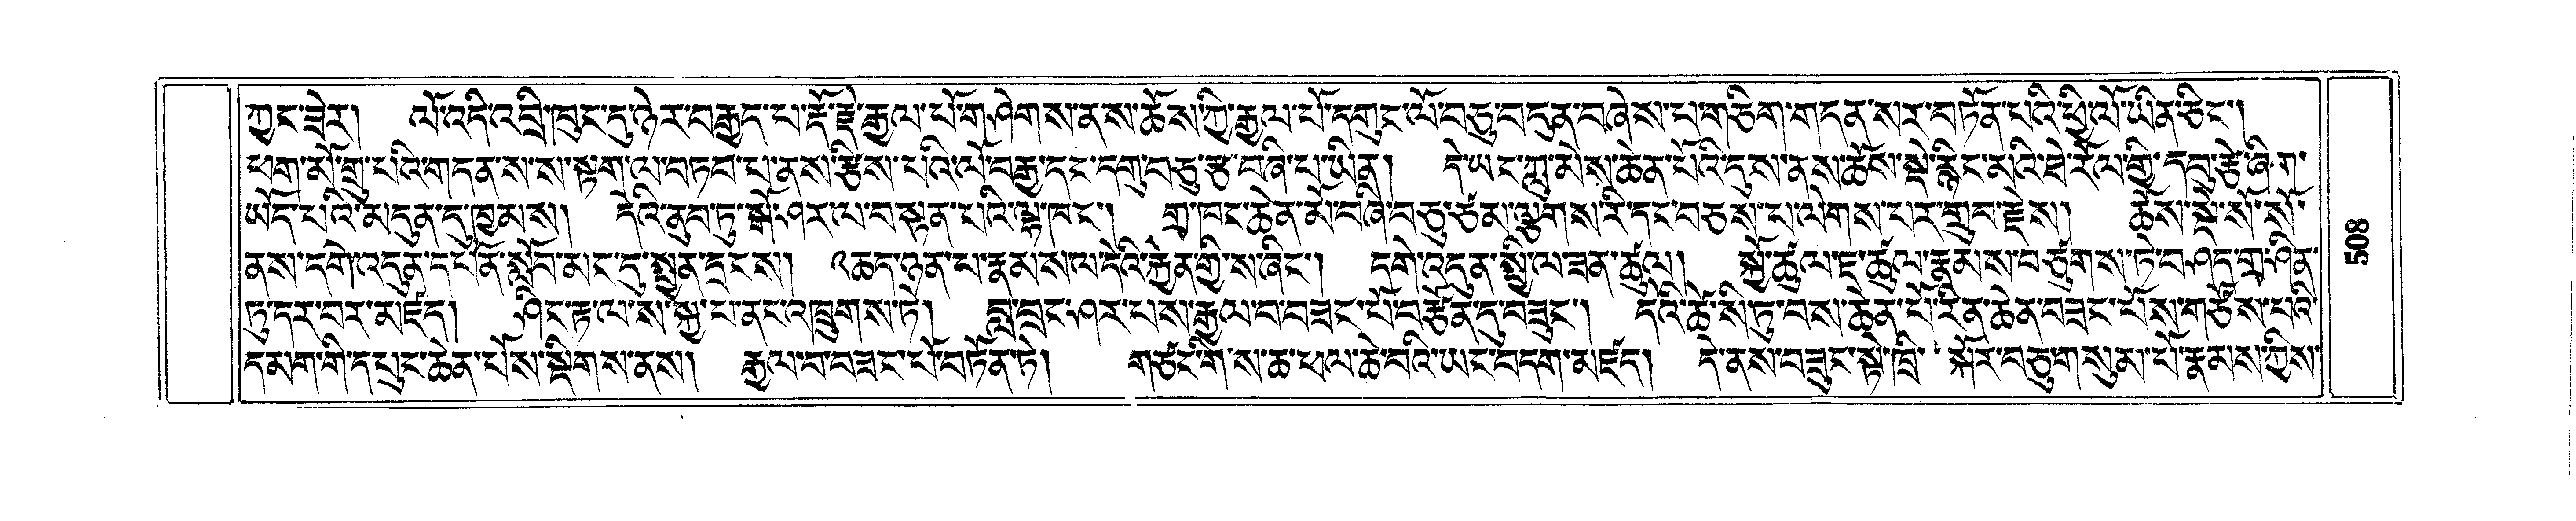ཀྱང་ཟེར། ལོ་འདི་འབྲི་ཁུང་དུ་ཉེར་བརྒྱད་པ་རྡོ་རྗེ་རྒྱལ་པོ་གཤེགས་ནས་ཆོས་ཀྱི་རྒྱལ་པོ་དགུང་ལོ་བཅུ་བདུན་བཞེས་པ་གཅིག་གདན་སར་བཏོན་པའི་ཕྱི་ལོ་ཡིན་ཅིང་།
ཕག་མོ་གྲུ་པའི་གདན་ས་ས་སྟག་ལ་བཏབ་པ་ནས་རྩིས་པའི་ལོ་བརྒྱ་དང་དགུ་བཅུ་རྩ་བཞི་པ་ཡིན། དེ་ཡང་ཀླུ་མེས་ཆེན་པོའི་དུས་ནས་ཆོས་སྡེ་རྙིང་མའི་ཐེ་རོལ་གྱི་དབུ་རྩེ་ཞིག་
ཡོད་པའི་མདུན་དུ་ཁྱམས། དེའི་ནུབ་ཏུ་སྒོ་ཤར་ལ་བསྟན་པའི་ལྷ་ཁང་། གྲྭ་ཁང་ཆེན་མོ་བཞི་བཅུ་ཙམ་ལྕགས་རི་དང་བཅས་པ་ལེགས་པར་གྲུབ་རྗེས། ཆོས་སྡེ་སོ་སོ་
ནས་དགེ་འདུན་དཔོན་སློབ་མང་དུ་སྤྱན་དྲངས། འཆད་ཉན་པ་རྣམས་ལ་དེའི་རྐྱེན་གྱི་ས་ཞིང་། དགེ་འདུན་སྤྱི་ལ་ཟན་ཚུལ། སྐྱོ་ཚུལ་ཇ་ཚུལ་རྣམས་བཙུགས་ཏེ་བཤད་གྲྭ་ཤིན་
ཏུ་དར་བར་མཛད། ཤིང་རྟ་ལ་ས་སྐྱ་པ་ནང་འཁྲུགས་ཏེ། བླ་བྲང་ཤར་པས་རྒྱལ་བ་བཟང་པོ་བརྩོན་དུ་བཟུང་། དེའི་ཚེ་སི་ཏུ་བས་ཆེན་པོ་རིན་ཆེན་བཟང་པོས་གཙོས་པའི་
དམག་གི་དཔུང་ཆེན་པོས་སྡིགས་ནས། རྒྱལ་བ་བཟང་པོ་བཏོན་ཏེ། གཙང་གི་ས་ཆ་ཕལ་ཆེ་བའི་ཡང་བདག་མཛད། དེ་ནས་བཟུང་སྟེ་ཁྲི་སྐོར་བཅུ་གསུམ་པོ་རྣམས་ཀྱིས་